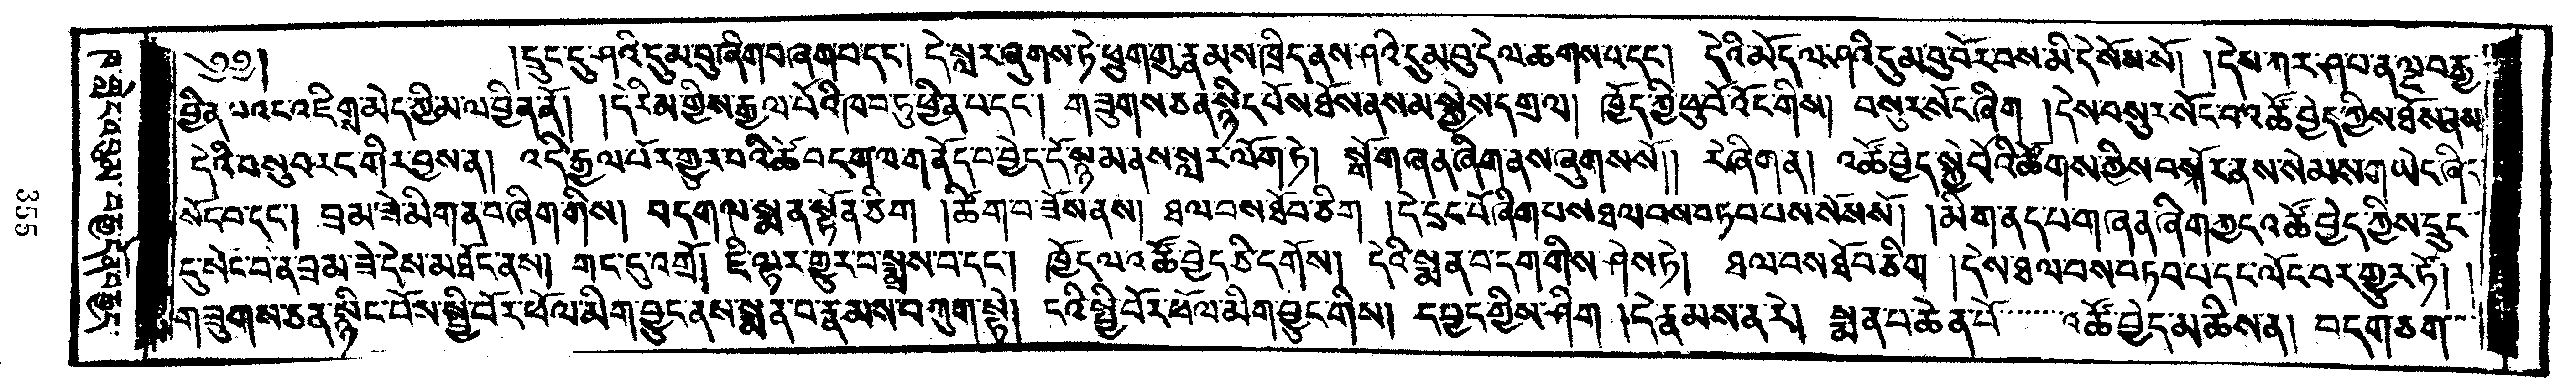༄༅། །དྲུང་དུ་ཤའི་དུམ་བུ་ཞིག་བཞག་པ་དང་། དེ་སླར་ཞུགས་ཏེ་ཕྲུག་གུ་རྣམས་ཁྲིད་ནས་ཤའི་དུམ་བུ་དེ་ལ་ཆགས་པ་དང་། དེའི་མོད་ལ་ཤའི་དུམ་བུ་བོར་བས་མི་དེ་སོས་སོ། །དེས་ཀར་ཤ་བ་ན་ལྔ་བརྒྱ་
བྱིན་པའང་འཇིགས་མེད་ཀྱི་མ་ལ་བྱིན་ནོ། །དེ་རིམ་གྱིས་རྒྱལ་པོའི་ཁབ་ཏུ་ཕྱིན་པ་དང་། གཟུགས་ཅན་སྙིང་པོས་ཐོས་ནས་མ་སྐྱེས་དགྲ་ལ། ཁྱོད་ཀྱི་ཕུ་བོ་འོང་གིས། བསུར་སོང་ཞིག །དེས་བསུར་སོང་བ་འཚོ་བྱེད་ཀྱིས་ཐོས་ནས་
དེའི་བསུ་བ་རང་གིར་བྱས་ནས། འདི་རྒྱལ་པོར་གྱུར་བའི་ཚེ་བདག་ལ་གནོད་བ་བྱེད་དོ་སྙམ་ནས་སླར་ལོག་ཏེ། སྒོ་གཞན་ཞིག་ནས་ཞུགས་སོ།། རེ་ཞིག་ན། འཚོ་བྱེད་སྐྱེ་བོའི་ཚོགས་ཀྱིས་བསྐོར་ནས་སེམས་གཡེང་ཞིང་
སོང་བ་དང་། བྲམ་ཟེ་མིག་ན་བཞིག་གིས། བདག་ལ་སྨན་སྟོན་ཅིག །ཚིག་པ་ཟོས་ནས། ཐལ་བས་ཐོབ་ཅིག །དེ་དྲང་པོ་ཞིག་པས་ཐལ་བས་བཏབ་པས་སོས་སོ། །མིག་ནད་པ་གཞན་ཞིག་ཀྱང་འཚོ་བྱེད་ཀྱིས་དྲུང་
དུ་སོང་བ་ན་བྲམ་ཟེ་དེས་མཐོང་ནས། གང་དུ་འགྲོ། ཇི་ལྟར་གྱུར་བ་སྨྲས་པ་དང་། ཁྱོད་ལ་འཚོ་བྱེད་ཅི་དགོས། དེའི་སྨན་བ་དག་གིས་ཤེས་ཏེ། ཐལ་བས་ཐོབ་ཅིག །དེས་ཐལ་བས་བཏབ་པ་དང་ལོང་བར་གྱུར་ཏོ། །
གཟུགས་ཅན་སྙིང་པོས་སྦྱི་བོར་ཕོལ་མིག་བྱུང་ནས་སྨན་པ་རྣམས་བཀུག་སྟེ། ངའི་སྤྱི་བོར་ཕོལ་མིག་བྱུང་གིས། དཔྱང་གྱིས་ཤིག །དེ་རྣམས་ན་རེ། སྨན་པ་ཆེན་པོ་འཚོ་བྱེད་མཆིས་ན། བདག་ཅག་